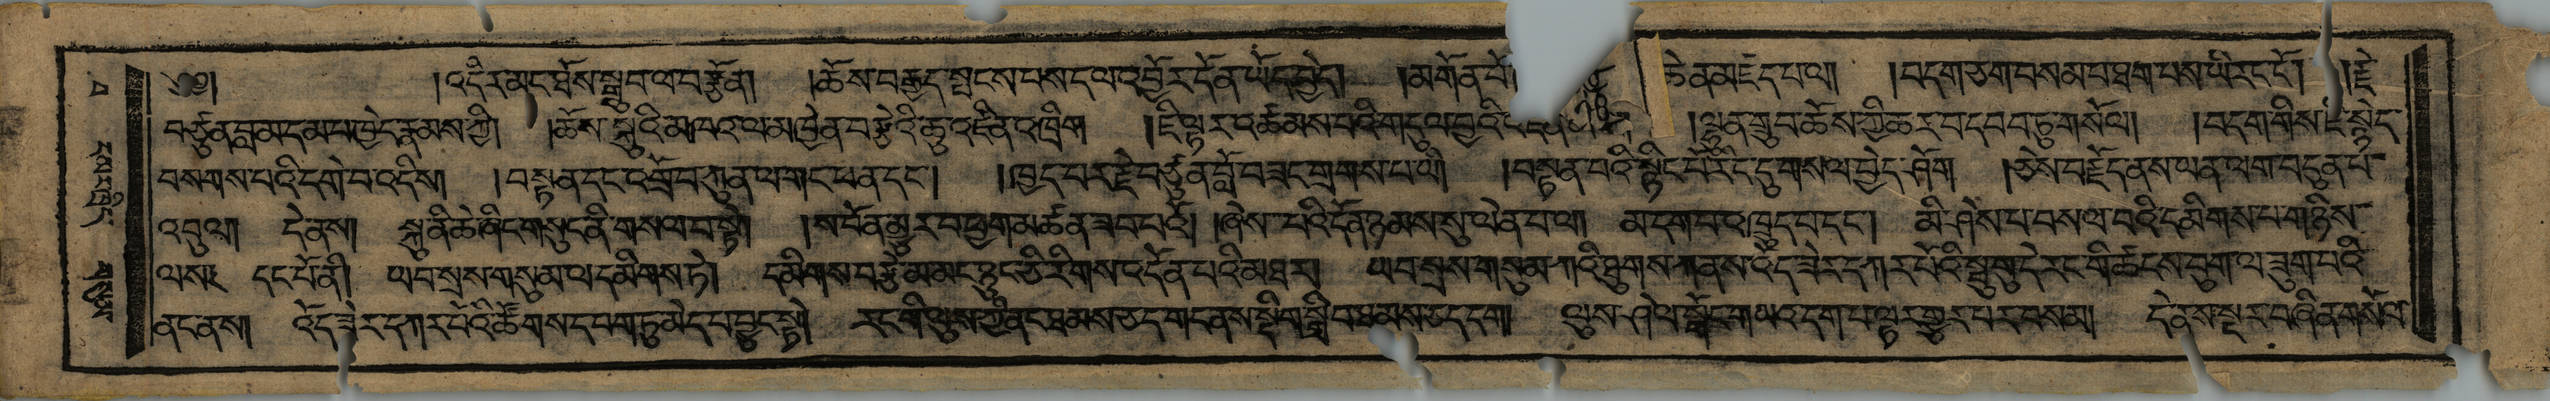༄༅། །འདིར་མང་ཐོས་སྒྲུབ་ལ་བརྩོན། །ཆོས་བརྒྱད་སྤངས་བས་དལ་འབྱོར་དོན་ཡོད་བྱེད། །མགོན་པོ་ཁྱོད་ཀྱི་རླབས་ཆེན་མཛད་པ་ལ། །བདག་ཅག་བསམ་པ་ཐག་པས་ཡི་རང་ངོ། །རྗེ་
བཙུན་བླ་མ་དམ་པ་ཁྱེད་རྣམས་ཀྱི། །ཆོས་སྐུའི་མཁའ་ལ་མཁྱེན་བརྩེའི་ཆུ་འཛིན་འཁྲིག །ཇི་ལྟར་འཚམས་པའི་གདུལ་བྱའི་འཛིན་མ་ལ། །ལྷུན་གྲུབ་ཆོས་ཀྱི་ཆར་བ་དབབ་ཏུ་གསོལ། །བདག་གིས་ཇི་སྙེད་
བསགས་པའི་དགེ་བ་འདིས། །བསྟན་དང་འགྲོ་བ་ཀུན་ལ་གང་ཕན་དང་། །ཁྱད་པར་རྗེ་བཙུན་བློ་བཟང་གྲགས་པ་ཡི། །བསྟན་པའི་སྙིང་པོ་རིང་དུ་གསལ་བྱེད་ཤོག །ཅེས་བརྗོད་ནས་ཡན་ལག་བདུན་པ་
འབུལ། དེ་ནས། སྐུ་ནི་ཆེ་ཞིང་གསུང་ནི་གསལ་བ་སྟེ། །ས་བོན་མྱུར་བ་ཕྱག་མཚན་ཟབ་བའོ། །ཞེས་པའི་དོན་ཉམས་སུ་ལེན་པ་ལ། མ་དགབ་འཁྲུང་བ་དང་། མི་ཤེས་པ་བསལ་བའི་དམིགས་པ་གཉིས་
ལས༑ དང་པོ་ནི། ཡབ་སྲས་གསུམ་ལ་དམིགས་ཏེ། དམིགས་བརྩེ་མ་མང་ཉུང་ཅི་རིགས་འདོན་པའི་མཐར། ཡབ་སྲས་གསུམ་ཀའི་ཐུགས་ཀ་ནས་འོད་ཟེར་དཀར་པོའི་སྤུ་གུ་དེ་རང་གི་ཚངས་བུག་ལ་ཟུག་བའི་
ནང་ནས། འོད་ཟེར་དཀར་པོའི་ཚོགས་དཔག་ཏུ་མེད་པ་བྱུང་སྟེ། རང་གི་ལུས་ཀྱི་ནད་ཐམས་ཅད་གང་ནས་སྡིག་སྒྲིབ་ཐམས་ཅད་དག། ལུས་ཤེལ་སྒོང་གཡའ་དག་པ་ལྟར་གྱུར་བར་བསམ། དེ་ནས་སྔར་བཞིན་གསོལ་